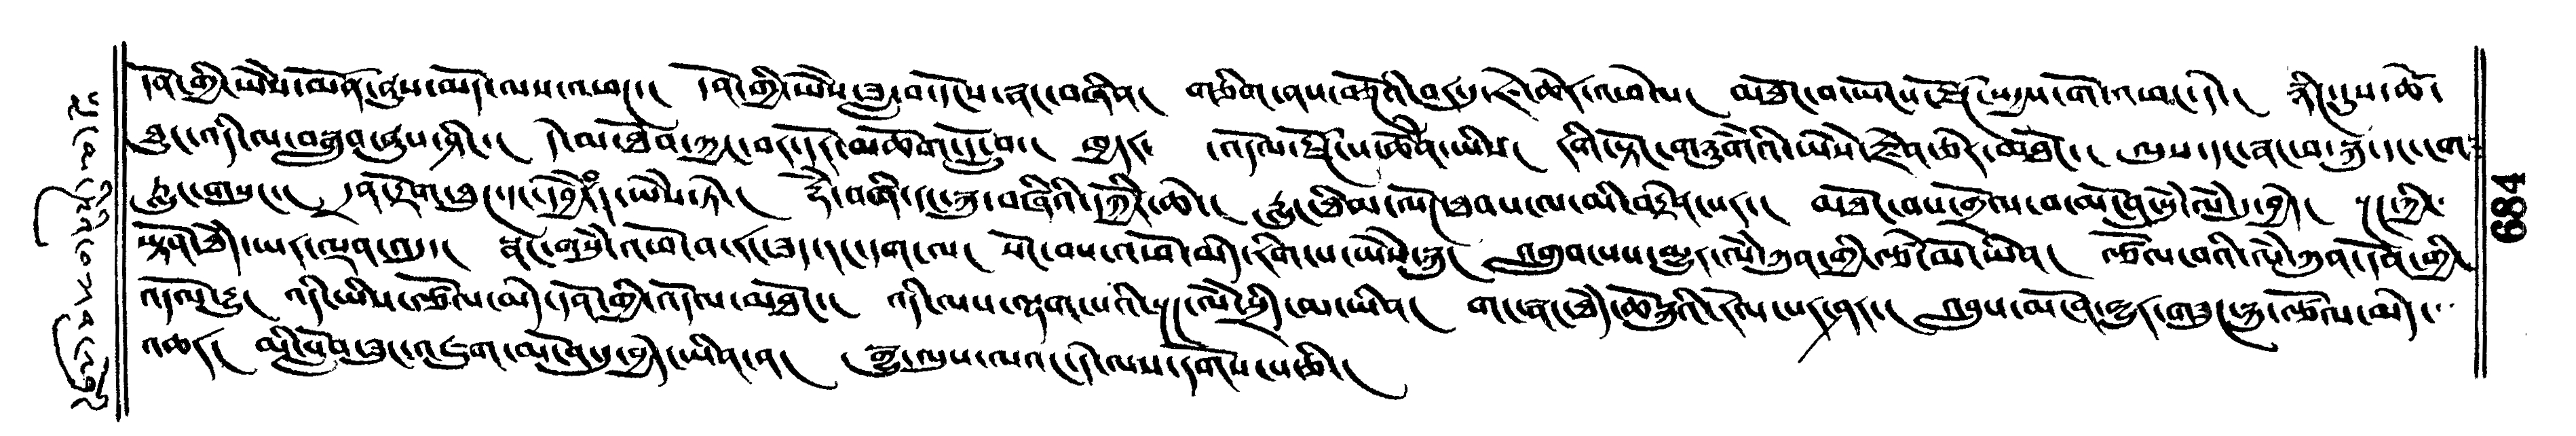དོན་གྱི་ཡེ་ཤེས་མཚོན་ནུས་མདོ་ལས་འཕགས། །དོན་གྱི་ཡེ་ཤེས་ཟླ་བ་དངོས་སྣང་བཞིན། །གཅིག་ནས་བཅོ་ལྔའི་བར་དུ་ཇེ་ཆེར་འཕེལ། །མཐོང་བ་ཡོངས་རྫོགས་སངས་རྒྱས་གོ་འཕང་དེ། །སྙིགས་དུས་ཚེ་
ཐུང་འདི་ལ་བསྒྲུབ་ནུས་ཤིང་། །དེ་མ་ཐོབ་ཀྱང་བར་དོར་མཆོག་དངོས་གྲུབ། ཁྱད་པར་འོད་གསལ་རྫོགས་པ་ཆེན་པོ་ཡིས། །རིག་སྟོང་གཉུམ་མའི་ཡེ་ཤེས་རྗེན་ཅེར་མཐོང་། །ལུས་དང་སྣང་བ་སྐུ་དང་ངག་
རླུང་གསུང་། །དྲན་རྟོག་ཐུགས་དང་དབྱེར་མེད་ཡེ་ཤེས་ཏེ། །རྡོ་རྗེ་བཞི་དང་སྐུ་བཞིའི་དཀྱིལ་འཁོར་ཆེ། །རླུང་ཐིམ་ལ་སོགས་ཐབས་ལ་མི་བརྟེན་པར། །མཐོང་བས་གྲོལ་བ་མངོན་སུམ་ལམ་དུ་བྱེད། །སྔགས་ཀྱི་
ཡོན་ཏན་ཐམས་ཅད་ཡར་ལྡན་འདུ། །སྣང་གསུམ་འཕོ་བ་རང་ཟད་རང་དག་ལ། །སོང་བས་འཕོ་མེད་རིག་པ་ཡེ་ཤེས་སྐུ། །འགྲུབ་པར་མྱུར་ལམ་ཀུན་གྱི་རྩེ་མོ་ཡིན། །རྩོལ་བའི་ལམ་ཀུན་དོན་གྱི་
འོད་གསལ་རྒྱུ། །འདི་ཡིས་རྩོལ་མེད་དོན་གྱི་འོད་གསལ་མཐོང་། །འདི་ལས་ལྷག་པའི་སྔགས་ལམ་སྲིད་མ་ཡིན། །གང་སྣང་ཐམས་ཅད་ཆོས་སྐུའི་རོལ་པར་ཤར། །འབྲས་བུ་མངོན་གྱུར་གཟུགས་སྐུ་རྩོལ་མེད་
འཆར། །མི་སློབ་ཟུང་འཇུག་མངོན་དུ་བྱེད་ཡིན་ན། །སྒྱུ་ལུས་ལའང་དེ་ལས་དགོས་པ་ཅི།